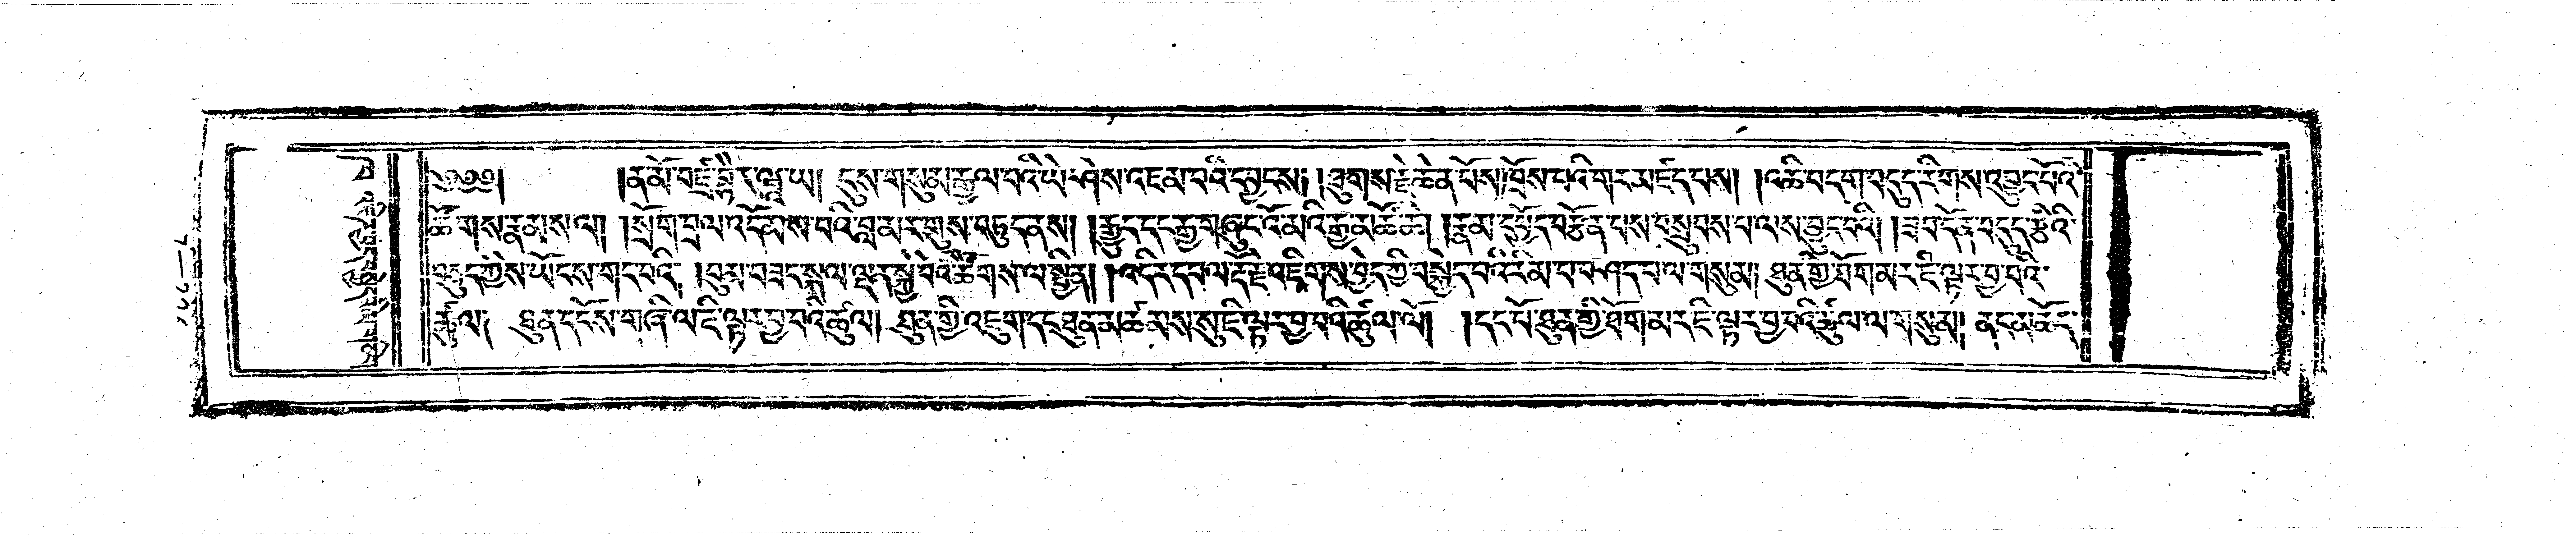༄༅༅། །ན་མོ་བཛྲ་བྷཻར་ཝཱ་ཡ། དུས་གསུམ་རྒྱལ་བའི་ཡེ་ཤེས་འཇམ་པའི་དབྱངས། །ཐུགས་རྗེ་ཆེན་པོས་ཁྲོས་པའི་གར་མཛད་པས། །འཆི་བདག་བདུད་རིགས་འབྱུང་པོའི་
ཚོགས་རྣམས་ལ། །སྲོག་བྲལ་འདོམས་པའི་བླ་མར་གུས་བཏུད་ནས། །རྒྱུད་དང་རྒྱ་གཞུང་འོ་མའི་རྒྱ་མཚོ་ཆེ། །རྣམ་དཔྱོད་བརྩོན་པས་བསྲུབས་བ་ལས་བྱུང་བའི། །ཟབ་དོན་བདུད་རྩིའི་
བཅུད་ཀྱིས་ཡོངས་གང་བའི། །བུམ་བཟང་སྐལ་ལྡན་སྐྱེ་བེའི་ཚོགས་ལ་སྦྱིན། །འདིར་དཔལ་རྡོ་རྗེ་འཇིགས་བྱེད་ཀྱི་བསྐྱེད་པའི་རིམ་པ་བཤད་པ་ལ་གསུམ། ཐུན་གྱི་ཐོག་མར་ཇི་ལྟར་བྱ་བའི་
ཚུལ༑ ཐུན་དངོས་གཞི་ལ་ཇི་ལྟར་བྱ་བའི་ཚུལ། ཐུན་གྱི་འཇུག་དང་ཐུན་མཚམས་སུ་ཇི་ལྟར་བྱ་བའི་ཚུལ་ལོ། །དང་པོ་ཐུན་གྱི་ཐོག་མར་ཇི་ལྟར་བྱ་བའི་ཚུལ་ལ་གསུམ། ནང་མཆོད་